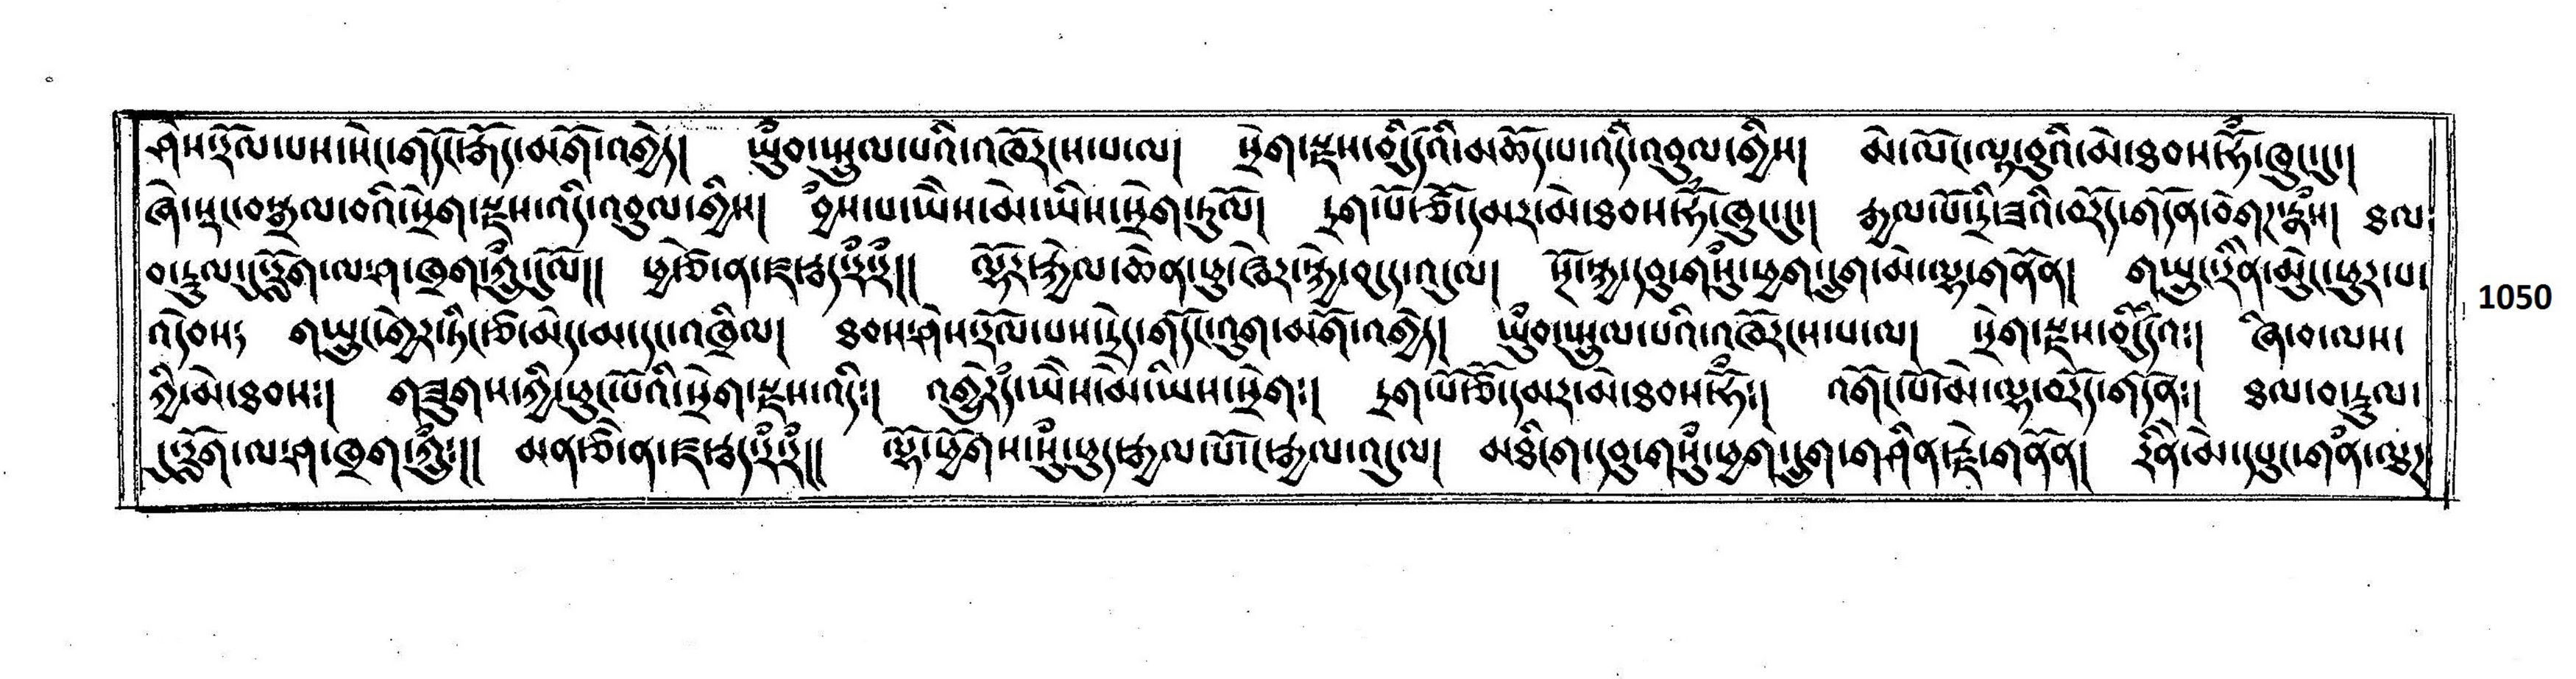ཤེས་རོལ་པས་སེང་གདོང་རྒོད་མགོ་འགྱེད། ཡབ་ཡུམ་སྤྲུལ་པའི་འཁོར་དང་བཅས་པ་ལ། སྲེག་རྫས་བདུད་རྩིའི་མཆོད་པ་འདི་འབུལ་གྱིས། མེ་ལོང་ལྟ་བུའི་མེ་ཐབས་ཧོམ་ཁུང་དུ། 
ཞེ་སྡང་བསྒྲལ་བའི་སྲེག་རྫས་འདི་འབུལ་གྱིས། བྱམས་པ་ཡེ་ཤེས་མེ་ཡིས་སྲེག་ཏུ་གསོལ། དྲག་པོ་ཙོ་དམར་མེ་ཐབས་ཧོམ་ཁུང་དུ། རྒྱལ་པོ་དྲི་ཟའི་བར་ཆོད་གདོན་བགེགས་རྣམས། ཐལ་
བ་རྡུལ་དུ་རློག་ལ་ཤ་ཁྲག་ཀྲུམ་དུ་གསོལ།། ཕྱ་ཙེ་ན་ཛ་རྦད་རཾ་རཾ།། ལྷོར་རྐྱེལ་ཆེན་ཕུ་ཝེར་སྐྱེ་བདུད་འདུལ། སྔོ་སྐྱ་དབུ་གསུམ་ཕྱག་དྲུག་མེ་ལྷ་གནོན། གཡུང་དྲུང་རིན་ཆེན་མེ་དཔུང་ཕུར་པ་
འདེབས། གཡུང་དྲུང་གྱེར་ཏིང་ཙ་མེད་མ་དང་འཁྲིལ། ཐབས་ཤེས་རོལ་པས་དྲེད་གདོང་འུག་མགོ་འགྱེད། ཡབ་ཡུམ་སྤྲུལ་པའི་འཁོར་དང་བཅས་པ་ལ། སྲེག་རྫས་བདུད་རྩིའི༴། ཞི་བ་ལས་
ཀྱི་མེ་ཐབས༴། གཟུགས་ཀྱི་ཕུང་པོའི་སྲེག་རྫས་འདི༴། འགྱུར་མེད་ཡེ་ཤེས་མེ་ཡིས་སྲེག༴། དྲག་པོ་ཙོ་དམར་མེ་ཐབས་ཧོམ༴། འགོང་པོ་མེ་ལྷ་བར་ཆོད་གདོན༴། ཐལ་བ་རྡུལ་
དུ་རློག་ལ་ཤ་ཁྲག་ཀྲུམ༴། མན་ཙེ་ན་ཛ་རྦད་རཾ་རཾ།། ལྷོ་ཕྱོགས་སུམ་ཕུད་རྒྱལ་པོ་ང་རྒྱལ་འདུལ། མཐིང་ནག་དབུ་གསུམ་ཕྱག་དྲུག་གཤིན་རྗེ་གནོན། རིན་ཆེན་མེ་དཔུང་གནམ་ལྕགས་